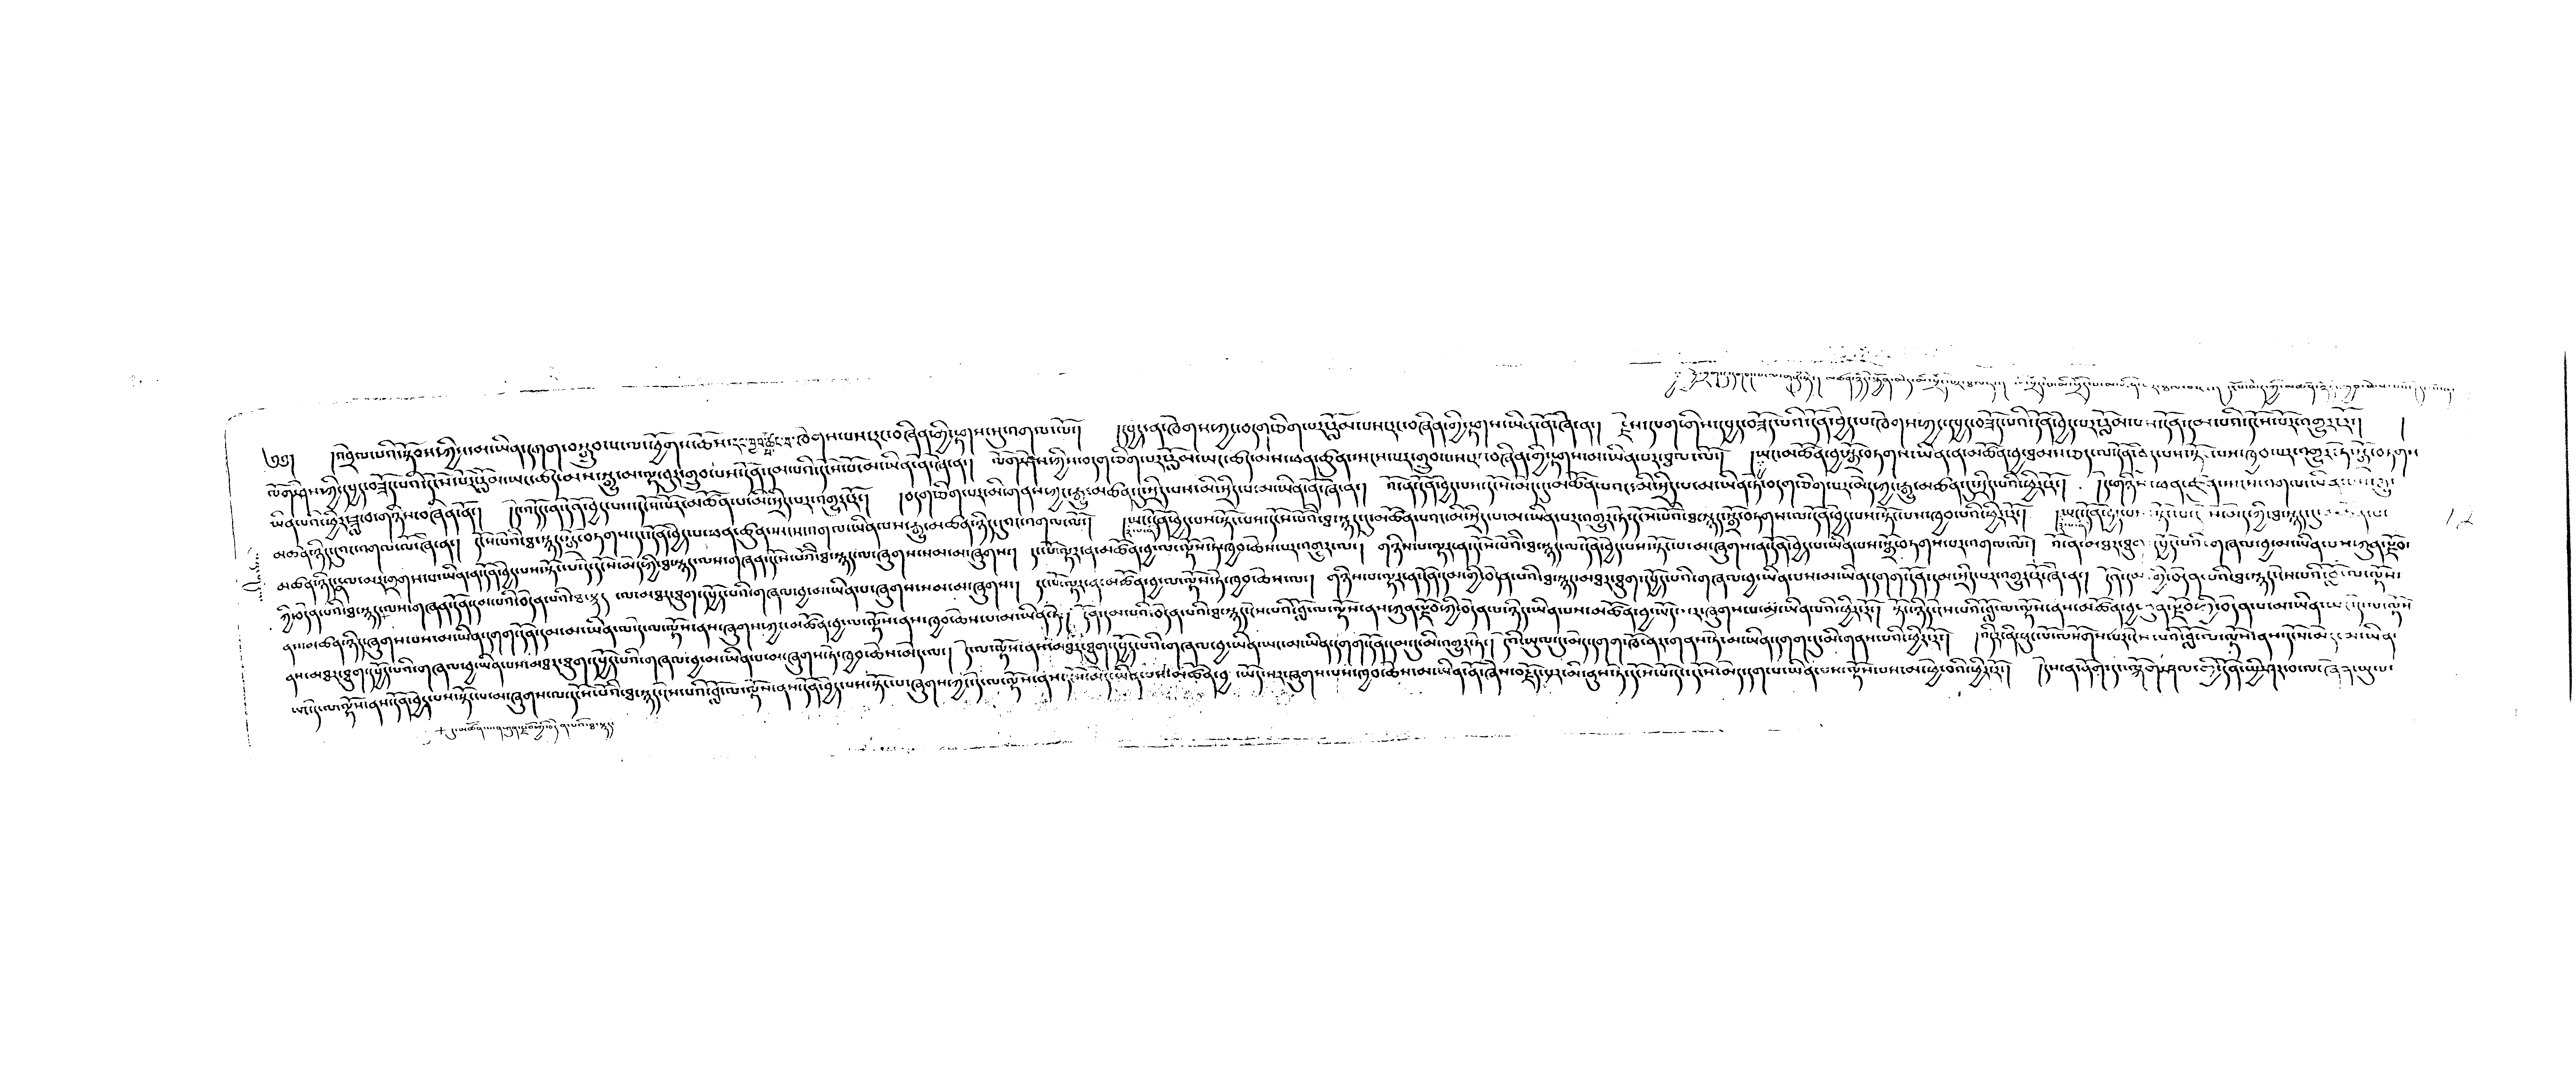༄༅། །འབྲེལ་པའི་སྟོབས་ཀྱིས་དམ་ཡིན་དགག་བསྒྲུབ་པ་ལ་ཕྱོགས་ཆོས་དང་བྱ་བས་ཚང་བ་ཁེགས་པས་རང་བཞིན་གྱི་རྟགས་སུ་འགལ་ལོ། །དཔྱད་ན་ཁེགས་ཀྱང་བདག་ཅིག་པར་རློམ་པས་རང་བཞིན་གྱི་རྟགས་ཡིན་ནོ་ཞེ་ན། རྗེས་དཔག་གིས་དཔྱད་བཟོད་པའི་དོན་བྱེད་པ་ཁེགས་ཀྱང་དཔྱད་བཟོད་པའི་དོན་བྱེད་པར་རློམ་པས་དོན་དམ་པའི་དངོས་པོར་འགྱུར་རོ། །
ལོག་ཤིས་ཀྱི་དཔྱད་བཟོད་པའི་དངོས་པོར་རློམ་ཡང་ཚད་མས་སྒྱུ་མ་ལྟ་བུར་གྲུབ་པས་དོན་དམ་པའི་དངོས་པོ་མ་ཡིན་ནོ་ཞེ་ན། ལོག་ཤེས་ཀྱིས་བདག་ཅིག་པར་རློམ་ཡང་ཚད་མས་ཕན་ཚུན་སངས་པར་གྲུབ་པས་རང་བཞིན་གྱི་རྟགས་མ་ཡིན་པར་ཐལ་ལོ། །ཡང་མཚོན་བྱ་སྒྲོ་བཏགས་ཡིན་ན་མཚོན་བྱ་ཐམས་ཅད་ལ་དོན་བྱེད་པས་སྟོང་པས་ཁྱབ་པར་འགྱུར་ཏེ་སྒྲོ་བཏགས་
ཡིན་པའི་ཕྱིར་ཟླ་བ་གཉིས་བཞིན་ནོ། །དེ་འདོད་ན་དོན་བྱེད་པས་དངོས་པོར་མཚོན་པ་མི་སྲིད་པར་འགྱུར་རོ། །བདག་ཅིག་པར་མི་གནས་ཀྱང་རྒྱུ་མཚན་དུ་སྲིད་པས་མི་སྲིད་པ་མ་ཡིན་ནོ་ཞེ་ན། འོ་ན་དོན་བྱེད་པས་དངོས་མེད་དུ་མཚོན་པའང་མི་སྲིད་པ་མ་ཡིན་ཏེ་བདག་ཅིག་པར་མེད་ཀྱང་རྒྱུ་མཚན་དུ་སྲིད་པའི་ཕྱིར་རོ། །དེ་གཉིས་ཕན་ཚུན་སྤང་འགལ་ཡིན་པས་རྒྱུ་
མཚན་ཉིད་དུའང་འགལ་ལོ་ཞེ་ན། དངོས་པོའི་ཐ་སྙད་སྒྲོ་བཏགས་དང་དོན་བྱེད་པ་ཕན་ཚུན་སར་ས་འགལ་ཡིན་ལས་རྒྱུ་མཚན་ཉིད་དུའང་འགལ་ལོ། །ཡང་དོན་བྱེད་པས་སྟོང་པས་དངོས་པོའི་ཐ་སྙད་དུ་མཚོན་པའང་མི་སྲིད་པ་མ་ཡིན་པར་འགྱུར་ཏེ་དངོས་པོའི་ཐ་སྙད་སྒྲོ་བཏགས་ལ་དོན་བྱེད་པས་སྟོང་པས་ཁྱབ་པའི་ཕྱིར་རོ། །ཡང་དོན་བྱད་པས་སྟོང་པ་དངོས་མེད་ཀྱི་ཐ་སྙད་དུ་མཚོན་པ་
མཚན་ཉིད་རྣལ་མར་གྲགས་པ་ཡིན་ན་དོན་བྱེད་པས་སྟོང་པ་དེ་དངོས་མེད་ཀྱི་ཐ་སྙད་ལས་གཞན་དངོས་པོའི་ཐ་སྙད་ལ་ཞུགས་སམ་མ་ཞུགས། དང་པོ་ལྟར་ན་མཚོན་བྱ་ལ་ལྟོས་ཏེ་ཁྱབ་ཆེས་པར་འགྱུར་ལ། གཉིས་པ་ལྟར་ན་དངོས་པོའི་ཐ་སྙད་ལ་དོན་བྱེད་པས་སྟོང་པ་མ་ཞུགས་ན་དོན་བྱེད་པ་ཡིན་པས་སྒྲོ་བཏགས་པར་འགལ་ལོ། འོ་ན་མཐར་ཐུག་དཔྱོད་པའི་གཞལ་བྱ་མ་ཡིན་པས་ཀུན་རྫོབ་
ཀྱི་བདེན་པའི་ཐ་སྙད་ལས་གཞན་དོན་དམ་པའི་བདེན་པའི་ཐ་སྙད་ལ་མཐར་ཐུག་དཔྱོད་པའི་གཞལ་བྱ་མ་ཡིན་པ་ཞུགས་སམ་མ་ཞུགས། དང་པོ་ལྟར་ན་མཚོན་བྱ་ལ་ལྟོས་ཏེ་ཁྱབ་ཆོཨེས་ལ། གཉིས་པ་ལྟར་ན་དོན་དམ་གྱི་བདེན་པའི་ཐ་སྙད་མཐར་ཐུག་དཔྱོད་པའི་གཞལ་བྱ་ཡིན་པས་མ་ཡིན་དགག་དོན་དམ་སྲིད་པར་འགྱུར་རོ་ཞེ་ན། དོན་དམ་གྱི་བདེན་པའི་ཐ་སྙད་ངེས་པའི་བློ་ལ་ལྟོས་
ནས་མཚན་ཉིད་ཞུགས་པས་མ་ཡིན་དགག་དོན་དམ་མ་ཡིན་མ་དེ་ལ་ལྟོས་ནས་ཞུགས་ཀྱང་མཚོན་བྱ་ལ་ལྟོས་ནས་ཁྱབ་ཆེས་པ་མ་ཡིན་ཏེ། དོན་དམ་པའི་བདེན་པའི་ཐ་སྙད་ངེས་པའི་བློ་ལ་ལྟོས་ནས་ཀུན་རྫོབ་ཀྱི་བདེན་པ་ཉིད་ཡིན་པས་མཚོན་བྱ་ཡོད་པར་ཞུགས་པ་མ་ཡིན་པའི་ཕྱིར་རོ། སྟོང་ཉིད་ངེས་པའི་བློ་མ་ལྟོས་ནས་མཚོན་བྱ་ཀུན་རྫོབ་ཀྱི་བདེན་པ་མ་ཡིན་ཡང་དེ་ལ་ལྟོས་
ནས་མཐར་ཐུག་དཔྱོད་པའི་གཞལ་བྱ་ཡིན་པས་མཐར་ཐུག་དཔྱོད་པའི་གཞལ་བྱ་མ་ཡིན་པ་མ་ཞུགས་ཏེ་ཁྱབ་ཆེས་མེད་ལ། དེ་ལ་ལྟོས་ནས་མཐར་ཐུག་དཔྱོད་པའི་གཞལ་བྱ་ཡིན་ཡང་མ་ཡིན་དགག་དོན་དམ་དུ་མི་འགྱུར་ཏེ། དེའི་ཡུལ་དུ་མེད་དགག་ཁོ་ནར་གནས་ཏེ་མ་ཡིན་དགག་དུ་མི་གནས་པའི་ཕྱིར་རོ། །འདིར་ནི་ཕུང་པོ་ལ་སོགས་པར་ངེས་པའི་བློ་ལ་ལྟོས་ནས་དངོས་མེད་མ་ཡིན་
ཡང་དེ་ལ་ལྟོས་ནས་དོན་བྱེད་པས་སྟོང་པ་མ་ཞུགས་ལ་དངོས་པོའི་ཐ་སྙད་ངེས་པའི་བློ་ལ་ལྟོས་ནས་དོན་བྱེད་པས་སྟོང་པ་ཞུགས་ཀྱང་དེ་ལ་ལྟོས་ནས་དངོས་མེད་ཡིན་པས་མཚོན་བྱ་ཡོད་པར་ཞུགས་པས་ཁྱབ་ཆེས་མ་ཡིན་ནོ་ཞེས་བརྗོད་པར་མི་ནུས་ཏེ་དངོས་པོ་དང་དངོས་མེད་དག་པ་ཡིན་པས་ལྟོས་པས་མ་ཕྱེ་བའི་ཕྱིར་རོ། །དེས་ན་ནོག་དང་ལྐོག་ཤལ་གྱི་དོན་སྤྱི་ཤར་བ་ལ་ཞེན་ཡུལ་